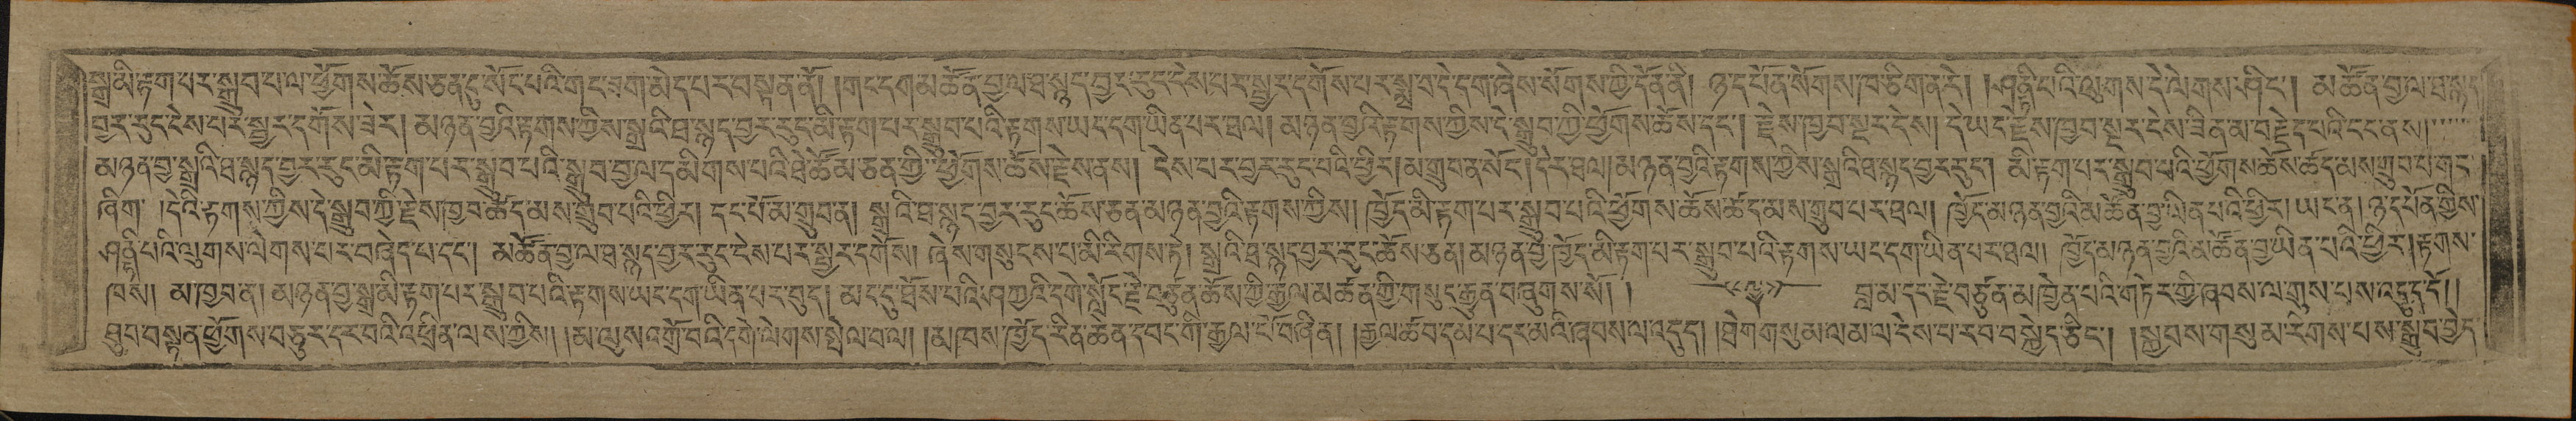སྒྲ་མི་རྟག་པར་སྒྲུབ་པ་ལ་ཕྱོགས་ཆོས་ཅན་དུ་སོང་བའི་གང་ཟག་མེད་པར་བསྟན་ནོ། །གང་དག་མཚོན་བྱ་ལ་ཐ་སྙད་བྱར་རུང་ངེས་པར་སྦྱར་དགོས་པར་སྨྲ་བ་དེ་དག་ཅེས་སོགས་ཀྱི་དོན་ནི། ཉ་དཔོན་སོགས་ཁ་ཅིག་ན་རེ། །ཤནྟི་པའི་ལུགས་དེ་ལེགས་ཤིང་། མཚོན་བྱ་ལ་ཐ་སྙད་
བྱར་རུང་ངེས་པར་སྦྱར་དགོས་ཟེར། མཉན་བྱའི་རྟགས་ཀྱིས་སྒྲའི་ཐ་སྙད་བྱར་རུང་མི་རྟག་པར་སྒྲུབ་པའི་རྟགས་ཡང་དག་ཡིན་པར་ཐལ། མཉན་བྱའི་རྟགས་ཀྱིས་དེ་སྒྲུབ་ཀྱི་ཕྱོགས་ཆོས་དང་། རྗེས་ཁྱབ་སྔར་ངེས། དེ་ཡང་རྗེས་ཁྱབ་སྔར་ངེས་ཟིན་མ་བརྗེད་པའི་ངང་ནས།
མཉན་བྱ་སྒྲའི་ཐ་སྙད་བྱར་རུང་མི་རྟག་པར་སྒྲུབ་པའི་བསྒྲུབ་བྱ་ལ་དམིགས་པའི་ཐེ་ཚོམ་ཅན་གྱི་ཕྱོགས་ཆོས་རྗེས་ནས་ངེས་པར་བྱར་རུང་བའི་ཕྱིར། མ་གྲུབ་ན་སོང་། དེར་ཐལ། མཉན་བྱའི་རྟགས་ཀྱིས་སྒྲའི་ཐ་སྙད་བྱར་རུང་། མི་རྟག་པར་སྒྲུབ་པའི་ཕྱོགས་ཆོས་ཚད་མས་གྲུབ་པ་གང་
ཞིག །དེའི་རྟགས་ཀྱིས་དེ་སྒྲུབ་ཀྱི་རྗེས་ཁྱབ་ཚད་མས་གྲུབ་པའི་ཕྱིར། དང་པོ་མ་གྲུབ་ན། སྒྲའི་ཐ་སྙད་བྱར་རུང་ཆོས་ཅན་མཉན་བྱའི་རྟགས་ཀྱིས། ཁྱོད་མི་རྟག་པར་སྒྲུབ་པའི་ཕྱོགས་ཆོས་ཚད་མས་གྲུབ་པར་ཐལ། ཁྱོད་མཉན་བྱའི་མཚོན་བྱ་ཡིན་པའི་ཕྱིར། ཡང་ན། ཉ་དཔོན་གྱིས་
ཤནྟི་པའི་ལུགས་ལེགས་པར་བཞེད་པ་དང་། མཚོན་བྱ་ལ་ཐ་སྙད་བྱར་རུང་ངེས་པར་སྦྱར་དགོས། ཞེས་གསུངས་པ་མི་རིགས་ཏེ། སྒྲའི་ཐ་སྙད་བྱར་རུང་ཆོས་ཅན། མཉན་བྱ་ཁྱོད་མི་རྟག་པར་སྒྲུབ་པའི་རྟགས་ཡང་དག་ཡིན་པར་ཐལ། ཁྱོད་མཉན་བྱའི་མཚོན་བྱ་ཡིན་པའི་ཕྱིར། རྟགས་
ཁས། མ་ཁྱབ་ན། མཉན་བྱ་སྒྲ་མི་རྟག་པར་སྒྲུབ་པའི་རྟགས་ཡང་དག་ཡིན་པར་བུད། མང་དུ་ཐོས་པའི་ཤཀྱའི་དགེ་སློང་རྗེ་བཙུན་ཆོས་ཀྱི་རྒྱལ་མཚན་གྱི་གསུང་རྒྱུན་བཞུགས་སོ། ། ༈ བླ་མ་དང་རྗེ་བཙུན་མཁྱེན་པའི་གཏེར་གྱི་ཞབས་ལ་གུས་པས་འདུད་དོ། །
ཐུབ་བསྟན་ཕྱོགས་བཅུར་དར་བའི་འཕྲིན་ལས་ཀྱིས། །མ་ལུས་འགྲོ་བའི་དགེ་ལེགས་སྤེལ་བ་ལ། །མཁས་ཁྱོད་རིན་ཆེན་དབང་གི་རྒྱལ་པོ་བཞིན། །རྒྱལ་ཚབ་དམ་པ་དར་མའི་ཞབས་ལ་འདུད། །ཐེག་གསུམ་ལམ་ལ་ངེས་པ་རབ་བསྐྱེད་ཅིང་། །སྐྱབས་གསུམ་རིགས་པས་སྒྲུབ་བྱེད་